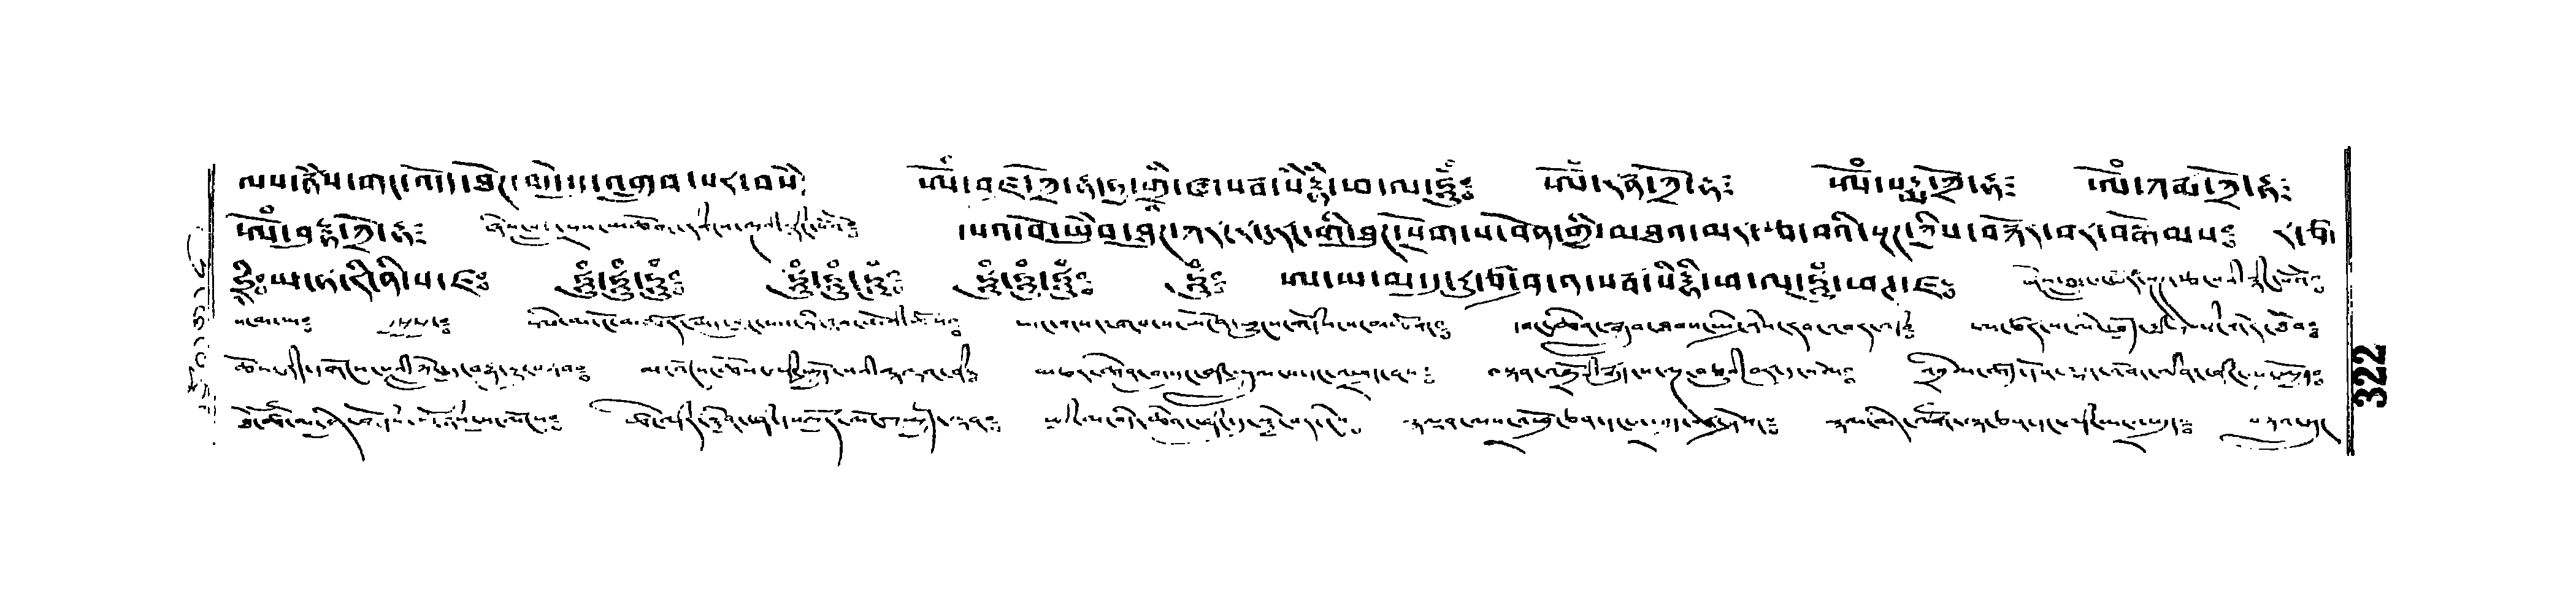ལས་རྣམས་གང་འདོད་ཐོགས་མེད་དུ་འགྲུབ་པར་བསམ༔ ཨོཾ་བཛྲ་ཀྲོ་དྷ་ཧྱ་གྲཱི་ཝ་སརྦ་སིདྡྷི་ཕ་ལ་ཧཱུྃ༔ ཨོཾ་རཏྣ་ཀྲོ་དྷ༴ ཨོཾ་ཀརྨ་ཀྲོ་དྷ༴ ཨོཾ་བུདྡྷ་ཀྲོ་དྷ༴ 
ཞེས་བཟླ་སྲས་མཆོག་རིགས་ལྔའི་སྙིང་པོའོ༔ དཔའ་བོ་ཡབ་ཡུམ་ཐུགས་ཀར་རང་རང་གི་ཐུགས་སྲོག་ས་བོན་གྱི་མཐའ་མར་རྩ་བའི་སྔགས་ཀྱིས་བསྐོར་བར་སྒོམསཿ ར་ཙ་
ཧྲཱིཿཡ་ཧ་རི་ནི་ས་ཛ༔ ཧཱུྃ་ཧཱུྃ་ཧཱུྃ༔ ཧཱུྃ་ཧཱུྃ་ཧཱུྃ༔ ཧཱུྃ་ཧཱུྃ་ཧཱུྃ༔ ཧཱུྃ༔ ཨ་ཡ་མ་དུ་རུ་ཙ་ཤ་ན་སརྦ་སིདྡྷི་ཕ་ལ་ཧཱུྃ་ཕཊ་ཛཿ ཞེས་བཟླ་འཁོར་སྔགས་རྩ་བའི་སྙིང་པོའོ༔ 
ས་མ་ཡ༔ རྒྱ་རྒྱ་རྒྱ༔ ཨེ་མ་ངོ་མཚར་སྨད་བྱུང་ཨ་ཏི་ཟབ་མོའི་ཆོས༔ ཡང་གསང་གབ་པ་མངོན་ཕྱུང་གདམས་པ་མཆོག༔ དབང་ཆེན་སྒྲུབ་ཐབས་ཡེ་ཤེས་རབ་འབར་འདི༔ ཨ་ཙར་ས་ལེ་ཁྱོད་ཀྱིས་ཡི་གེར་ཐོབ༔ 
ཆོས་ཉིད་དགོངས་པའི་ཀློང་དུ་བརྡ་རུ་བཏབ༔ མ་འོངས་ཆོས་འདི་སྤྱོད་པའི་སྐལ་ལྡན་ནི༔ མཁན་ཆེན་གསུང་གི་སྤྲུལ་པ་དང་ཕྲད་ནས༔ བསྟན་འགྲོའི་རྒུད་པ་ལྔ་བཅུའི་བར་དུ་སེལ༔ འབྲེལ་ཚད་དོན་ལྡན་འོག་མིན་ཞིང་ལ་སྤྱོད༔ 
ཐེ་ཚོམ་མ་བྱེད་གདམས་པ་ཉམས་སུ་ལོངས༔ ཚེ་འདིར་རྐྱེན་ཞི་དཔལ་འབྱོར་ལོངས་སྤྱོད་ལྡན༔ ཕྱི་མ་བདེ་ཆེན་ཞིང་དུ་སྐྱེ་བར་ངེས༔ སྐལ་ལྡན་ལས་འཕྲོ་ཅན་དང་འཕྲད་པར་ཤོག༔ སྐལ་མེད་ལོག་ལྟ་ཅན་དང་འདི་མ་འཕྲད༔ བཀའ་སྲུང་